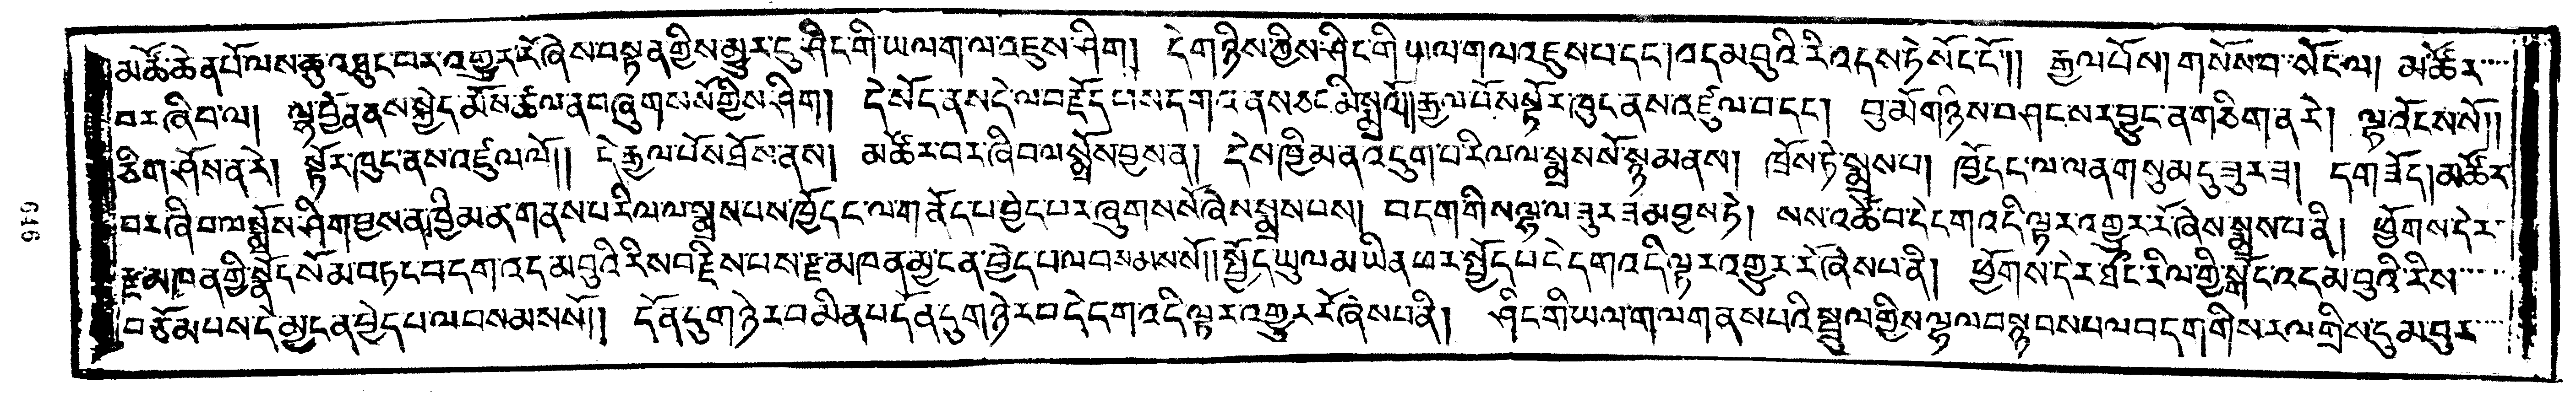མཚོ་ཆེན་པོ་ལས་ཆུ་འཐུང་བར་འགྱུར་རོ་ཞེས་བསྟན་གྱིས་མྱུར་ངུ་ཤིང་གི་ཡལ་ག་ལ་འཇུས་ཤིག། དེ་གཉིས་ཀྱིས་ཤིང་གི་ཡལ་གལ་འཇུས་པ་དང་། འདམ་བུའི་རི་འདས་ཏེ་སོང་ངོ།། རྒྱལ་པོས། གསོས་བ་སོང་ལ། མཚོར་
བར་ཞིབ་ལ། ལྷ་བྱོན་ནས་སྐྱེད་མོས་ཚལ་ན་བཞུགས་སོ་གྱིས་ཤིག། དེ་སོང་ནས་དེ་ལ་བརྗོད་པས་དགའ་ནས་ཅང་མི་སྨྲའོ། །རྒྱལ་པོས་སྟོར་ཁུང་ནས་འཛུལ་བ་དང་། བུ་མོ་གཉིས་བཤང་སར་བྱུང་ན་གཅིག་ན་རེ། ལྷ་འོངས་སོ།།
ཅིག་ཤོས་ན་རེ། སྟོར་ཁུང་ནས་འཛུལ་ལོ།། དེ་རྒྱལ་པོས་ཐོས་ནས། མཚོར་བར་ཞི་བ་ལ་སྨྲོས་བྱས་ན། དེས་ཁྱིམ་ན་འདུག་པ་རིལ་ལ་སྨྲས་སོ་སྙམ་ནས། ཁྲོས་ཏེ་སྨྲས་པ། ཁྱོད་ང་ལ་ལན་གསུམ་དུ་ཟུར་ཟ། དག་ཟོད། མཚོར་
བར་ཞིབ་ལ་སྨྲོས་ཤིག་བྱས་ན་ཁྱིམ་ན་གནས་པ་རིལ་ལ་སྨྲས་པས་ཁྱོད་ང་ལ་གནོད་པ་བྱེད་པར་ཞུགས་སོ་ཞེས་སྨྲས་པས། བདག་གིས་ལྷ་ལ་ཟུར་ཟམ་བྱས་ཏེ། སས་འཚོ་བ་དེ་དག་འདི་ལྟར་འགྱུར་རོ་ཞེས་སྨྲས་པ་ནི། ཕྱོགས་དེར་
རྫ་མཁན་གྱི་སྣོད་སོམ་བཏང་བདག་འདམ་བུའི་རིས་བརྗིས་པས་རྫ་མཁན་མྱ་ངན་བྱེད་པ་ལ་བསམས་སོ། །སྤྱོད་ཡུལ་མ་ཡིན་ཕར་སྤྱོད་པ་དེ་དགའ་དི་ལྟར་འགྱུར་རོ་ཞེས་པ་ནི། ཕྱོགས་དེར་ཐྀང་རིལ་གྱི་སྒོང་འདམ་བུའི་རིས་
བཅོམ་པས་དེ་མྱ་ངན་བྱེད་པ་ལ་བསམས་སོ།། དོན་དུ་གཉེར་བ་མིན་བདོན་དུ་གཉེར་བ་དེ་དག་འདི་ལྟར་འགྱུར་རོ་ཞེས་པ་ནི། ཤིང་གི་ཡལ་ག་ལ་གནས་པའི་སྦྲུལ་གྱིས་ལྷ་ལ་བསྙབས་པལ་བདག་གིས་རལ་གྲིས་དུམ་བུར་